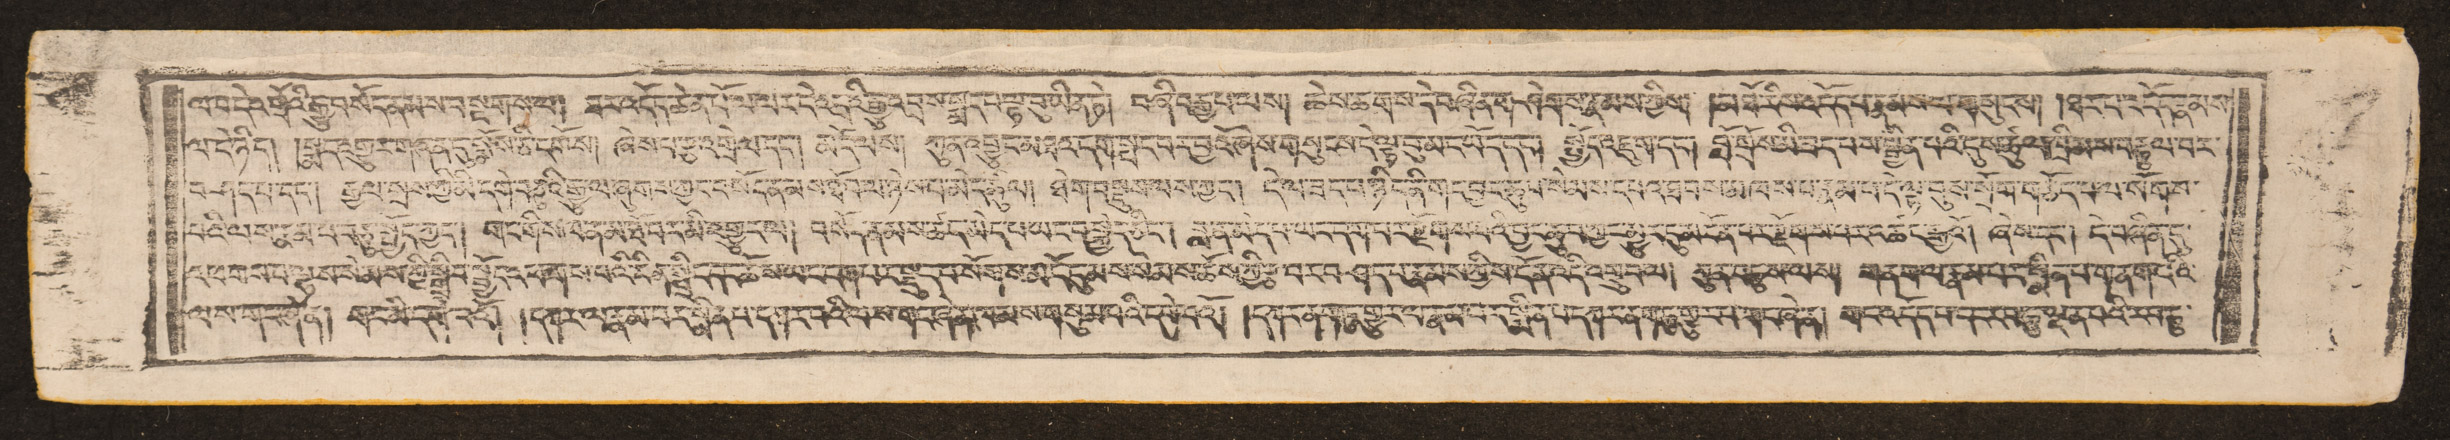ལ་བདེ་འགྲོའི་རྒྱུ་བསོད་ནམས་བསྔགས་ལ། ཐར་འདོད་ཆེན་པོ་ལ་ལར་དེ་འདྲའི་རྒྱུ་འབྲས་སྨད་བ་ལྟ་བུ་ཡིན་ཏེ། བཞི་བརྒྱ་པ་ལས། ཆེས་ཆགས་དེ་བཞིན་གཤེགས་རྣམས་ཀྱིས། །མཐོ་རིས་འདོད་པ་རྣམས་ལ་གསུངས། །ཐར་པ་འདོད་རྣམས་
ལ་དེ་ཉིད། །སྨད་འགྱུར་གཞན་བུ་སྨོས་ཅི་དགོས། ཞེས་པ་རྩ་འགྲེལ་དང་། མདོ་ལས། ཀུན་འབྱུང་མཐའ་དག་སྤང་བར་བྱའོ་ཞེས་གསུངས་དེ་ལྟ་བུ་མང་ཡོད་དང་། སྤྱོད་འཇུག་དང་། བློ་གྲོས་མི་ཟད་པས་སྦྱིན་པའི་དུས་ཚུལ་ཁྲིམས་བརྟུལ་བར་
བཤད་པ་དང་། རྒྱལ་སྲས་ཀྱི་མི་དགེ་བཅུའི་རྒྱུ་ལ་ཞུགས་ཀྱང་བསོད་ནམས་ཐོབ་ལ་ཉེས་བ་མེད་ཚུལ། ཐེག་བསྡུས་ལས་ཀྱང་། དེ་ལ་ཟད་པ་ཉིད་ནི་གང་བྱང་ཆུབ་སེམས་དཔའ་ཐབས་མཁས་པ་རྣམ་པ་དེ་ལྟ་བུས་སྲོག་གཅོད་པ་ལ་སོགས་
པའི་ལས་རྣམ་པ་བཅུ་སྤྱོད་ཀྱང་། གང་གིས་ཁ་ན་མ་ཐོ་བར་མི་འགྱུར་ལ། བསོད་ནམས་ཚད་མེད་པ་ཡང་བསྐྱེད་ཅིང་། བླ་ན་མེད་པ་ཡང་དག་པར་རྫོགས་པའི་བྱང་ཆུབ་ཀྱང་མྱུར་དུ་མངོན་པར་རྫོགས་པར་འཚང་རྒྱའོ། ཞེས་དང་། དེ་བཞིན་དུ་
འཕགས་པ་ལྷ་ས་སེམས་ཀྱི་སྒྲིབ་སྦྱོང་འཕགས་པའི་རིན་སྦྲིང་དང་ཆོས་ཡང་དག་པར་སྡུད་པ་སོགས་མདོ་དུ་མས་སེམས་ཆོས་ཀྱི་རྩ་བར་བཤད་པ་རྣམས་ཀྱིས་དོན་འདི་འགྲུབ་ལ། ཀུན་བཏུས་ལས། གནག་ལ་རྣམ་པར་སྨིན་པ་གནག་པའི་
ལས་གང་ཞེ་ན། གང་མི་དགེ་བའོ། །དཀར་ལ་རྣམ་པར་སྨིན་པ་དཀར་བའི་ལས་གང་ཞེན་ཁམས་གསུམ་པའི་དགེ་བའོ། །དཀར་ནག་ཏུ་གྱུར་ལ་རྣམ་པར་སྨིན་པ་དཀར་ནག་ཏུ་གྱུར་པ་གང་ཞེ་ན། གལ་འདོད་པ་དང་རབ་ཏུ་ལྡན་པའི་རབ་ཏུ་